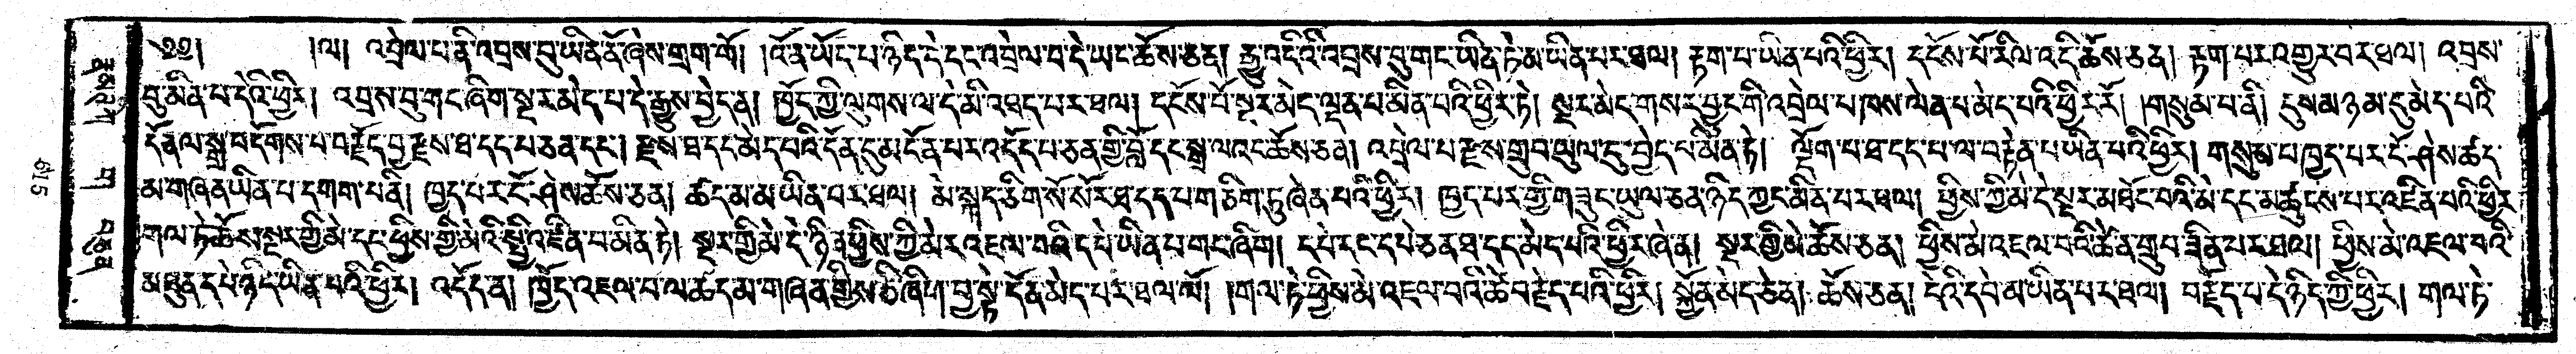༄༅། །ལ། འབྲེལ་པ་ནི་འབྲས་བུ་ཡིན་ནོ་ཞེས་གྲག་གོ། །འོ་ན་ཡོད་པ་ཉིད་དེ་དང་འབྲེལ་བ་དེ་ཡང་ཆོས་ཅན། རྒྱུ་འདིའི་འབྲས་བུ་གང་ཡིན་ཏེ་མ་ཡིན་པར་ཐལ། རྟག་པ་ཡིན་པའི་ཕྱིར། དངོས་པོ་རིལ་འདི་ཆོས་ཅན། རྟག་པར་འགྱུར་བར་ཐལ། འབྲས་
བུ་མིན་པ་དེའི་ཕྱིར། འབྲས་བུ་གང་ཞིག་སྔར་མེད་པ་དེ་རྒྱུས་བྱེད་ན། ཁྱོད་ཀྱི་ལུགས་ལ་དེ་མི་འཐད་པར་ཐལ། དངོས་པོ་སྔར་མེད་ལྡན་པ་མིན་པའི་ཕྱིར་ཏེ། སྔར་མེད་གསར་བྱུང་གི་འབྲེལ་པ་ཁས་ལེན་པ་མེད་པའི་ཕྱིར་རོ། །གསུམ་པ་ནི། དུས་མཉམ་དུ་མེད་པའི་
དོན་ལ་སྒྲ་བདོགས་པ་བརྗོད་བྱ་རྫས་ཐ་དད་པ་ཅན་དང་། རྫས་ཐ་དད་མེད་པའི་དོན་དུ་མངོན་པར་འདོད་པ་ཅན་གྱི་བློ་དང་སྒྲ་ལའང་ཆོས་ཅན། འབྲེལ་པ་རྫེས་གྲུབ་ཡུལ་དུ་བྱེད་པ་མིན་ཏེ། ལྡོག་པ་ཐ་དད་པ་ལ་བརྟེན་པ་ཡིན་པའི་ཕྱིར། གསུམ་པ་ཁྱད་པར་ངོ་ཤེས་ཚད་
མ་གཞན་ཡིན་པ་དགག་པ་ནི། ཁྱད་པར་ངོ་ཤེས་ཆོས་ཅན། ཚད་མ་མ་ཡིན་པར་ཐལ། མེ་སྐད་ཅིག་སོ་སོར་ཐ་དད་པ་གཅིག་ཏུ་ཞེན་པའི་ཕྱིར། ཁྱད་པར་གྱི་གཟུང་ཡུལ་ཅན་ཉིད་ཀྱང་མིན་པར་ཐལ། ཕྱིས་ཀྱི་མེ་དེ་སྔར་མཐོང་བའི་མེ་དང་མཚུངས་པར་འཛིན་པའི་ཕྱིར་
གལ་ཏེ་ཆོས་སྔར་གྱི་མེ་དང་ཕྱིས་ཀྱི་མེའི་སྤྱི་འཛིན་པ་མིན་ཏེ། སྔར་གྱི་མེ་དེ་ཉིན་ཕྱིས་ཀྱི་མེར་འཇལ་བའི་དཔེ་ཡིན་པ་གང་ཞིག། དཔེ་རང་དཔེ་ཅན་ཐ་དད་མེད་པའི་ཕྱིར་ཞེ་ན། སྔར་གྱི་མེ་ཆོས་ཅན། ཕྱིས་མེ་འཇལ་བའི་ཚེ་ན་གྲུབ་ཟིན་པར་ཐལ། ཕྱིས་མེ་འཇལ་བའི་
མཐུན་དཔེ་ཉིད་ཡིན་པའི་ཕྱིར། འདོད་ན། ཁྱོད་འཇལ་བ་ལ་ཚད་མ་གཞན་གྱིས་ཅི་ཞིག་བྱ་སྟེ་དོན་མེད་པར་ཐལ་ལོ། །གལ་ཏེ་ཕྱིས་མེ་འཇལ་བའི་ཚེ་བརྗེད་པའི་ཕྱིར། སྐྱོན་མེད་ཅེན། ཆོས་ཅན། དེའི་དཔེ་མ་ཡིན་པར་ཐལ། བརྗོད་པ་དེ་ཉིད་ཀྱི་ཕྱིར། གལ་ཏེ་